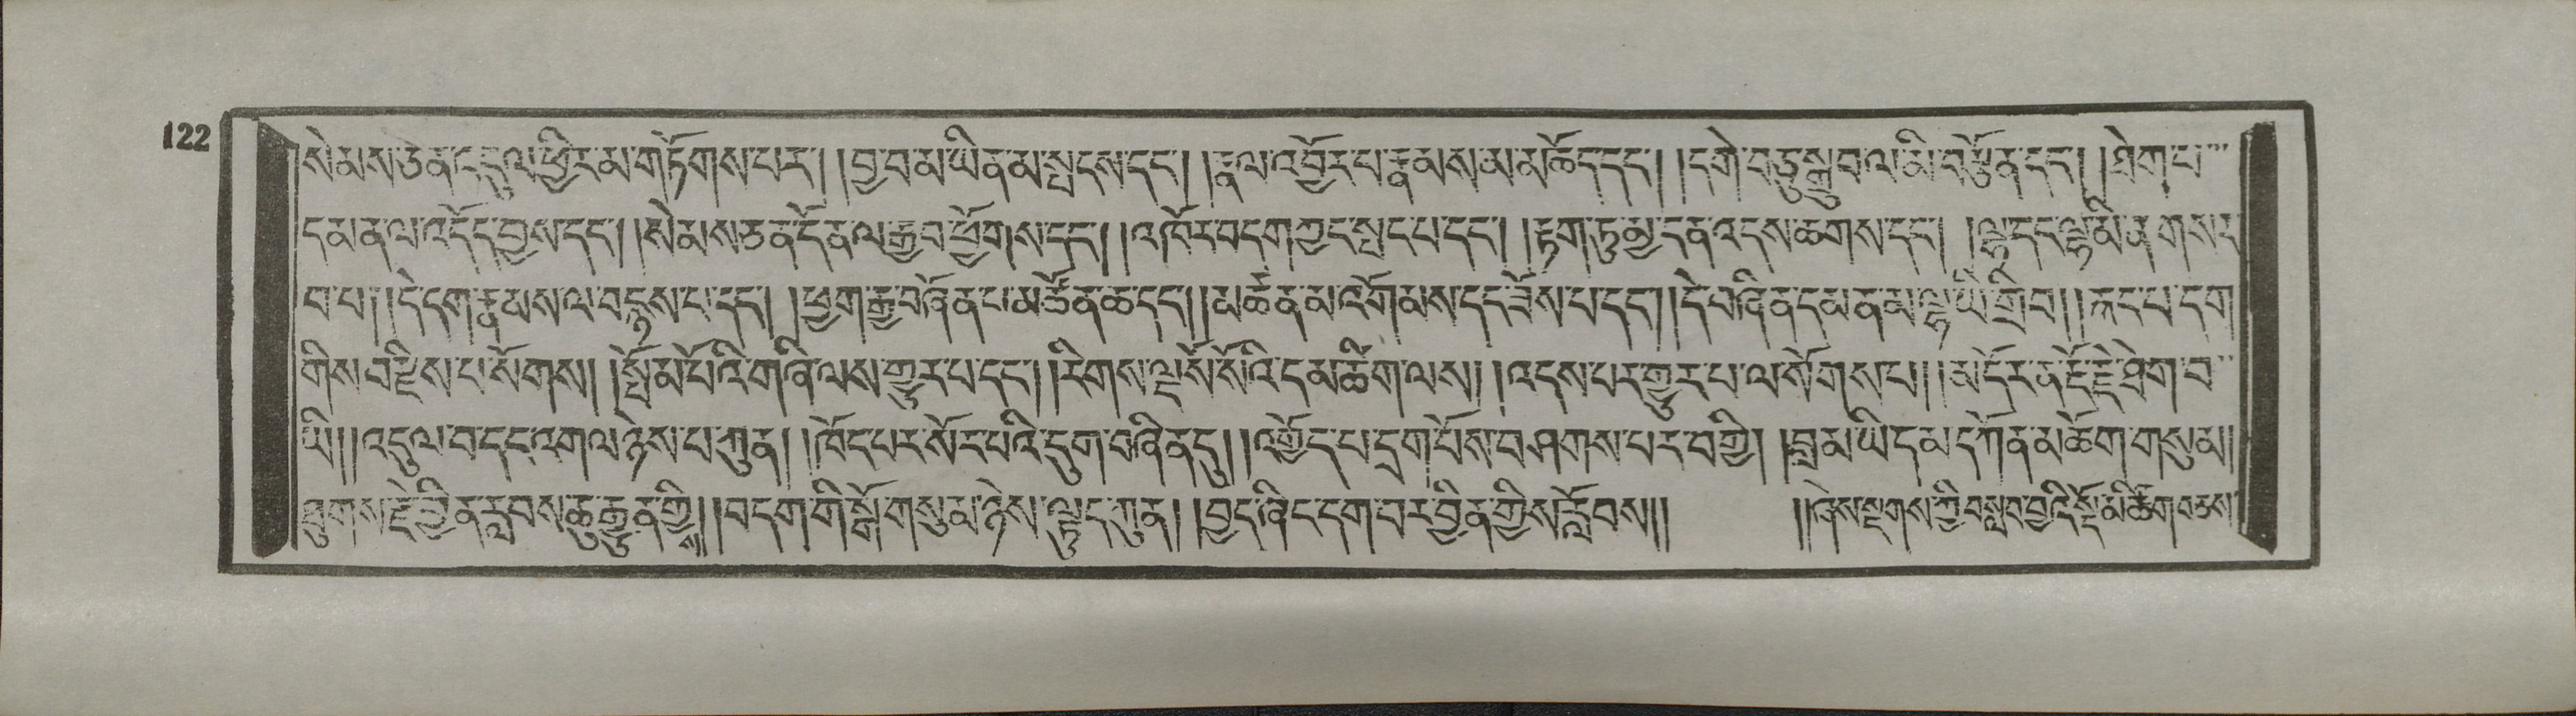སེམས་ཅན་འདུལ་ཕྱིར་མ་གཏོགས་པར། །བྱ་བ་མ་ཡིན་མ་སྤངས་དང་། །རྣལ་འབྱོར་པ་རྣམས་མ་མཆོད་དང་། །དགེ་བཅུ་སྒྲུབ་ལ་མི་བརྩོན་དང་། །ཐེག་པ་
དམན་ལ་འདོད་བྱས་དང་། །སེམས་ཅན་དོན་ལ་རྒྱབ་ཕྱོགས་དང་། །འཁོར་བདག་ཀྱང་སྤང་པ་དང་། །རྟག་ཏུ་མྱ་ངན་འདས་ཆགས་དང་། །ལྷ་དང་ལྷ་མིན་གསར་
བ་པ། །དེ་དག་རྣམས་ལ་བརྙས་པ་དང་། །ཕྱག་རྒྱ་བཞོན་པ་མཚོན་ཆ་དང་། །མཚན་མ་འགོམས་དང་ཟོས་པ་དང་། །དེ་བཞིན་དམན་མ་ལྷ་ཡི་གྲིབ། །རྐང་པ་དག་
གིས་བརྫིས་པ་སོགས། །སྤོམ་པོའི་གཞི་ལས་གྱུར་པ་དང་། །རིགས་ལྔ་སོ་སོའི་དམ་ཚིག་ལས། །འདས་པར་གྱུར་པ་ལ་སོགས་པ། །མདོར་ན་རྡོ་རྗེ་ཐེག་པ་
ཡི། །འདུལ་བ་དང་འགལ་ཉེས་པ་ཀུན། །ཁོང་པར་སོར་པའི་དུག་བཞིན་དུ། །འགྱོད་པ་དྲག་པོས་བཤགས་པར་བགྱི། །བླ་མ་ཡི་དམ་དཀོན་མཆོག་གསུམ།
ཐུགས་རྗེ་བྱིན་རླབས་ཆུ་རྒྱུན་གྱིས། །བདག་གི་སྒོ་གསུམ་ཉེས་ལྟུང་ཀུན། །བྱད་ཞིང་དག་པར་བྱིན་གྱིས་རློབས།། །།ཞེས་སྔགས་ཀྱི་བསླབ་བྱའི་སྡོམ་ཚིག་བཅས་